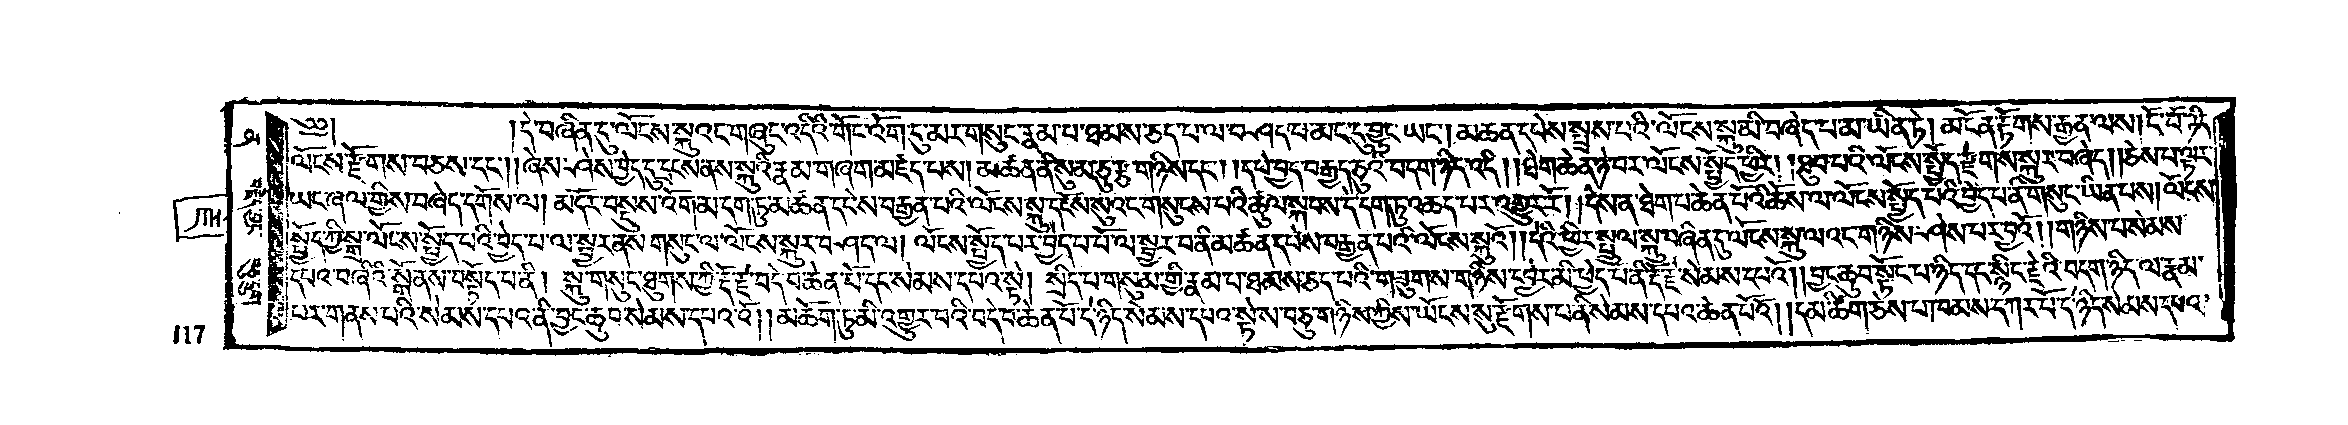༄༅། །དེ་བཞིན་དུ་ལོངས་སྐུའང་གཞུང་འདིའི་གོང་འོག་དུ་མར་གསུང་རྣམ་པ་ཐམས་ཅད་པ་ལ་བཤད་པ་མང་དུ་བྱུང་ཡང་། མཚན་དཔེས་སྤྲས་པའི་ལོངས་སྐུ་མི་བཞེད་པ་མ་ཡིན་ཏེ། མངོན་རྟོགས་རྒྱན་ལས། ངོ་བོ་ཉིད་
ལོངས་རྫོགས་བཅས་དང་། །ཞེས་ཤེས་བྱེད་དུ་དྲངས་ནས་སྐུའི་རྣམ་གཞག་མཛད་པས། མཚན་ནི་སུམ་ཅུ་རྩ་གཉིས་དང་། །དཔེ་བྱེད་བརྒྱད་ཅུའི་བདག་ཉིད་འདི། །ཐེག་ཆེན་ཉེ་བར་ལོངས་སྤྱོད་ཕྱིར། །ཐུབ་པའི་ལོངས་སྤྱོད་རྫོགས་སྐུར་བཞེད། །ཅེས་པ་ལྟར་
ཡང་ཞལ་གྱིས་བཞེད་དགོས་ལ། མདོར་བསྡུས་འོག་མ་དག་ཏུ་མཚན་དཔེས་བརྒྱན་པའི་ལོངས་སྐུ་དངོས་སུའང་གསུངས་པའི་ཚུལ་སྐབས་དེ་དག་ཏུ་འཆད་པར་འགྱུར་རོ། །དེས་ན་ཐེག་པ་ཆེན་པོའི་ཆོས་ལ་ལོངས་སྤྱོད་པའི་བྱེད་པ་ནི་གསུང་ཡིན་པས། ལོངས་
སྤྱོད་ཀྱི་སྒྲ་ལོངས་སྤྱོད་པའི་བྱེད་པ་ལ་སྦྱར་ནས་གསུང་ལ་ལོངས་སྐུར་བཤད་ལ། ལོངས་སྤྱོད་པར་བྱེད་པ་པོ་ལ་སྦྱར་བ་ནི་མཚན་དཔེས་བརྒྱན་པའི་ལོངས་སྐུའོ། །དེའི་ཕྱིར་སྤྲུལ་སྐུ་བཞིན་དུ་ལོངས་སྐུ་ལའང་གཉིས་ཤེས་པར་བྱའོ། །གཉིས་པ་སེམས་
དཔའ་བཞིའི་སྒོ་ནས་བསྟོད་པ་ནི། སྐུ་གསུང་ཐུགས་ཀྱི་རྡོ་རྗེ་བདེ་བ་ཆེན་པོ་དང་སེམས་དཔའ་སྟེ། སྲིད་པ་གསུམ་གྱི་རྣམ་པ་ཐམས་ཅད་པའི་གཟུགས་གཉིས་དབྱེར་མི་ཕྱེད་པ་ནི་རྡོ་རྗེ་སེམས་དཔའོ། །བྱང་ཆུབ་སྟོང་པ་ཉིད་དང་སྙིང་རྗེའི་བདག་ཉིད་ལ་རྣམ་
པར་གནས་པའི་སེམས་དཔའ་ནི་བྱང་ཆུབ་སེམས་དཔའ་འོ། །མཆོག་ཏུ་མི་འགྱུར་བའི་བདེ་བ་ཆེན་པོ་དེ་ཉིད་སེམས་དཔའ་སྟེ་ས་བཅུ་གཉིས་ཀྱིས་ཡོངས་སུ་རྫོགས་པ་ནི་སེམས་དཔའ་ཆེན་པོའོ། །དམ་ཚིག་ཅེས་པ་ཁམས་དཀར་པོ་དེ་ཉིད་སེམས་དཔའ་